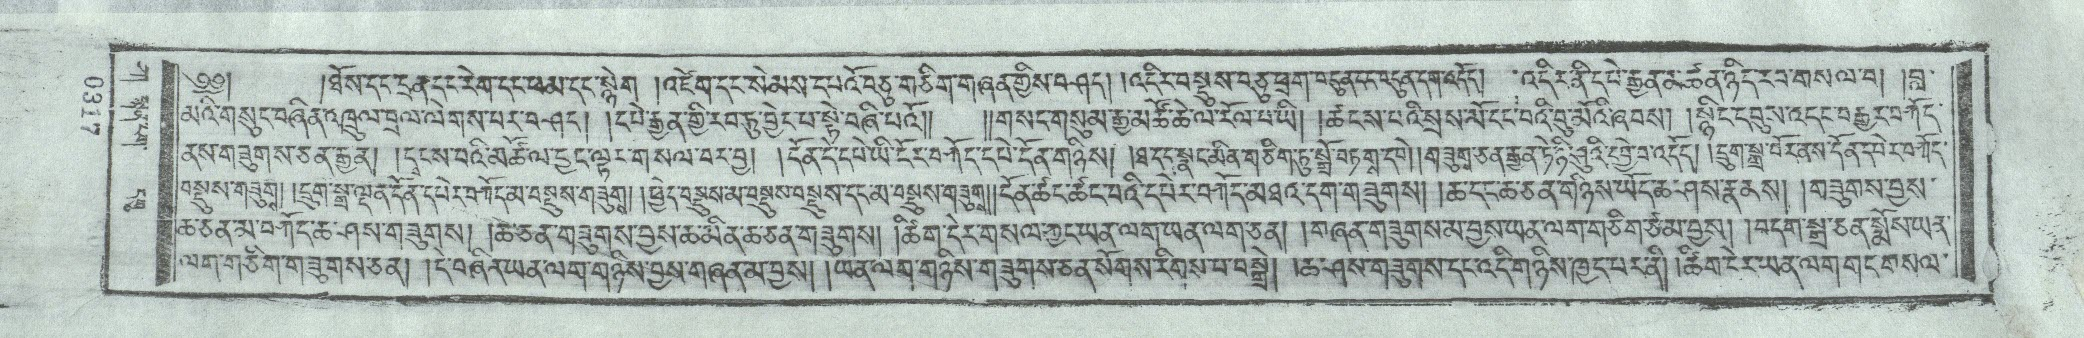༄༅། །ཐོས་དང་དྲན་དར་རེག་དང་ཕམ་དང་སྙེག །མཛེག་དང་སེམས་དཔའོ་བཅུ་གཅིག་གཞན་གྱིས་བཤད། །འདིར་བསྡུས་བཅུ་ཕྲག་བདུན་དང་བདུན་དག་འདོད། །འདིར་ནི་དཔེ་རྒྱན་མཚན་ཉིད་རབ་གསལ་བ། །བླ་
མའི་གསུང་བཞིན་འཁྲུལ་བྲལ་ལེགས་བར་བཤད། །དཔེ་རྒྱན་གྱི་རབ་ཏུ་བྱེད་པ་སྟེ་བཞི་པའོ།། །།གསང་གསུམ་རྒྱ་མཚོ་ཆེ་ལ་རོལ་པ་ཡི། །ཚངས་པའི་སྲས་མོ་དང་བའི་བུ་མོའི་ཞབས། །སྙིང་དབུས་འདང་བརྒྱས་བཀོད་
ནས་གཟུགས་ཅན་རྒྱན། །དྭངས་པའི་མཚོ་ལ་བྱང་ལྟར་གསལ་བར་བྱ། །དོན་དེ་དཔེ་ཡི་ངོར་བཀོད་དཔེ་དོན་གཉིས། ཐ་དད་སྣང་མིན་གཅིག་ཏུ་སྒྲོ་བཏགས་དགེ། གཟུགས་ཅན་རྒྱན་ཏེ་ཉི་ཤུའི་དབྱེ་བ་འདོད། །དྲུག་སྒྲ་བོར་ནས་དོན་དཔེར་བཀོད་
བསྡུས་གཟུགས། །དྲུག་སྒྲ་ལྡན་དོན་དཔེར་བཀོད་མ་བསྡུས་གཟུགས། །ཕྱེད་བསྡུས་མ་བསྡུས་གཟུགས། །དོན་ཚང་ཚང་པའི་བཀོད་མཐའ་དག་གཟུགས། །ཆ་དང་ཆན་ཅན་གཉིས་ཡོད་ཆ་ཤས་རྣམས། །གཟུགས་བྱས་
ཆ་ཅན་བཀོད་ཆ་ཤས་གཟུགས། །ཆ་ཅན་གཟུགས་བྱས་ཆ་མིན་ཆ་ཅན་གཟུགས། །ཚིག་དེར་གསལ་ཀྱང་ཡན་ལག་ཡན་ལག་ཅན། །གཞན་གཟུགས་མ་བྱས་ཡན་ལ་གཅིག་ཙམ་བྱས། །བདག་སྒྲ་ཅན་སྣོས?་ཡན་
ལག་གཅིག་གཟུགས་ཅན། །དེ་བཞིན་ཡན་ལག་གཉིས་བྱས་གཞན་མ་བྱས། །ཡན་ལག་གཉིས་གཟུགས་ཅན་སོགས་རིགས་པ་བསྒྲེ། །ཆ་ཤས་གཟུགས་དང་འདི་གཉིས་ཁྱད་པ་ནི། །ཚིག་དེར་ཡན་ལག་གང་གསལ?